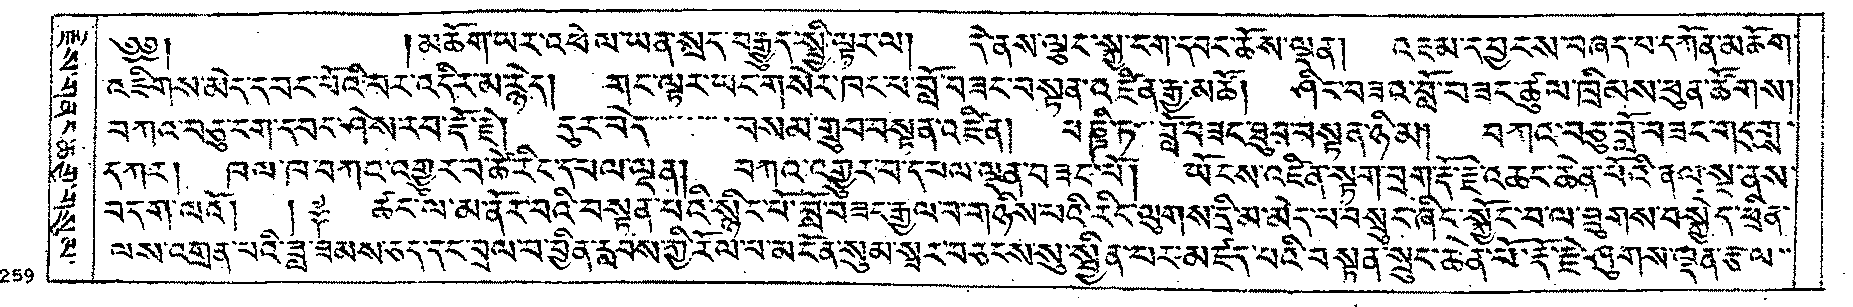༄༅། །མཆོག་ཡར་འཕེལ་ཡན་སྲད་བརྒྱུད་སྤྱི་ལྟར་ལ། དེ་ནས་ལྕང་སྐྱ་ངག་དབང་ཆོས་ལྡན། འཇམ་དབྱངས་བཞད་པ་དཀོན་མཆོག་
འཇིགས་མེད་དབང་པོའི་བར་འདིར་མ་རྙེད། གང་ལྟར་ཡང་གསེར་ཁང་པ་བློ་བཟང་བསྟན་འཛིན་རྒྱ་མཚོ། ཤིང་བཟའ་བློ་བཟང་ཚུལ་ཁྲིམས་ཕུན་ཚོགས།
བཀའ་བཅུ་ངག་དབང་ཤེས་རབ་རྡོ་རྗེ། དུར་བདེ་བསམ་གྲུབ་བསྟན་འཛིན། པཎྜི་ཏ་བློ་བཟང་ཐུབ་བསྟན་ཉི་མ། བཀའ་བཅུ་བློ་བཟང་གདུགས་
དཀར། ཁལ་ཁ་བཀའ་འགྱུར་བ་ཚེ་རིང་དཔལ་ལྡན། བཀའ་འགྱུར་བ་དཔལ་ལྡན་བཟང་པོ། ཡོངས་འཛིན་སྟག་བྲག་རྡོ་རྗེ་འཆང་ཆེན་པོའི་ཞལ་སྔ་ནས་
བདག་ལའོ། ། ༈ ཚང་ལ་མ་ནོར་བའི་བསྟན་པའི་སྙིང་པོ་བློ་བཟང་རྒྱལ་བ་གཉིས་པའི་རིང་ལུགས་དྲི་མ་མེད་པ་བསྲུང་ཞིང་སྐྱོང་བ་ལ་ཐུགས་བསྐྱེད་ཕྲིན་
ལས་འགྲན་པའི་ཟླ་ཐམས་ཅད་དང་བྲལ་བ་བྱིན་རླབས་ཀྱི་རོལ་པ་མངོན་སུམ་སྦར་བཅངས་སུ་སྦྱིན་པར་མཛད་པའི་བསྟན་སྲུང་ཆེན་པོ་རྡོ་རྗེ་ཤུགས་ལྡན་རྩལ་